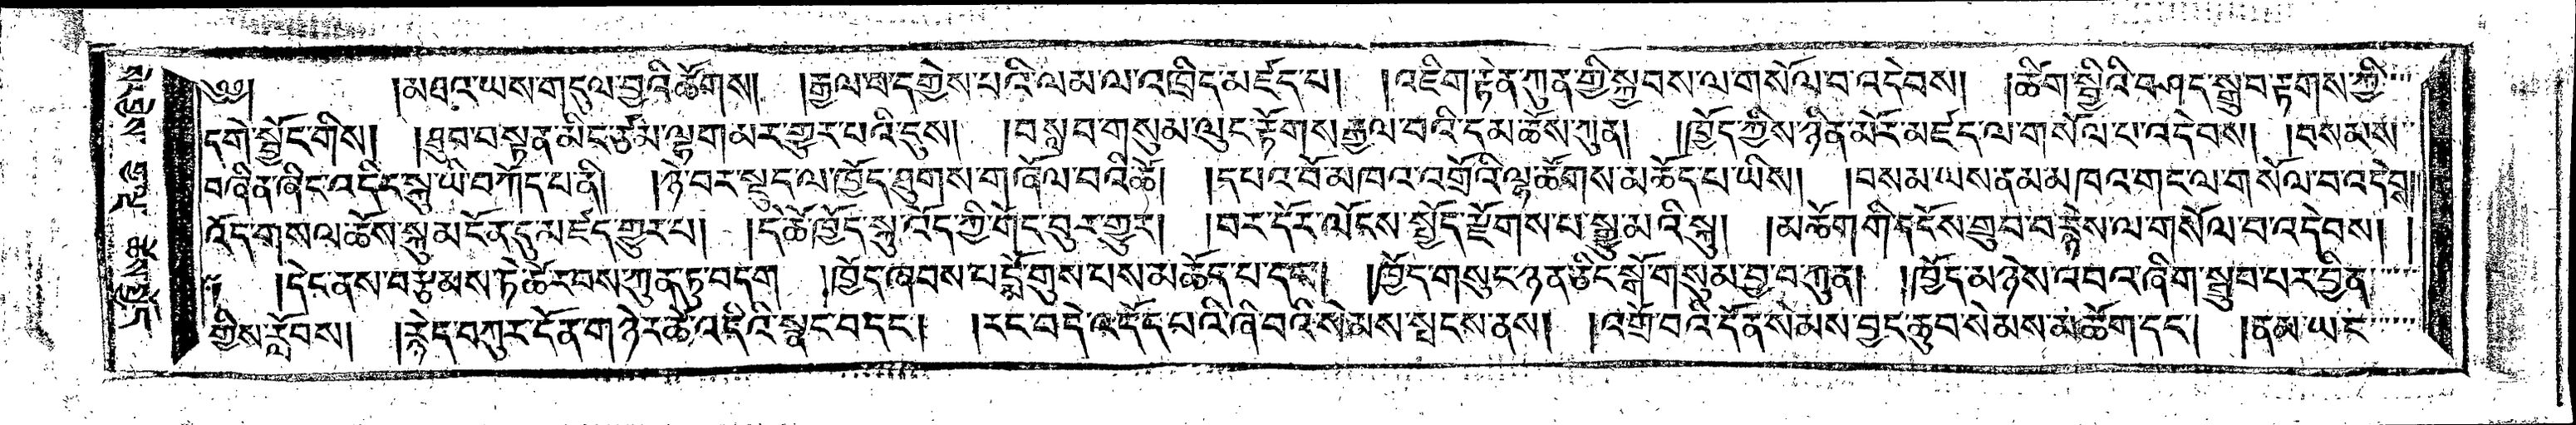༄༅། །མཐའ་ཡས་གདུལ་བྱའི་ཚོགས། །རྒྱལ་བ་དགྱེས་པའི་ལམ་ལ་འཁྲིད་མཛད་པ། །འཇིག་རྟེན་ཀུན་གྱི་སྐྱབས་ལ་གསོལ་བ་འདེབས། །ཚིག་སྦྱིའི་བཤད་སྒྲུབ་རྟགས་ཀྱི་
དགེ་སྦྱོང་གིས། །ཐུབ་བསྟན་མིང་ཙམ་ལྷག་མར་གྱུར་བའི་དུས། །བསླབ་གསུམ་ལུང་རྟོགས་རྒྱལ་བའི་དམ་ཆོས་ཀུན། །ཁྱོད་ཀྱིས་ཉིན་མོར་མཛད་ལ་གསོལ་བ་འདེབས། །བསམས་
བཞིན་ཞིང་འདིར་སྐུ་ཡི་བཀོད་པ་ནི། །ཉེ་བར་སྡུད་ལ་ཁྱོད་ཐུགས་གཞོལ་བའི་ཚེ། །དཔའ་བོ་མཁའ་འགྲོའི་ལྷ་ཚོགས་མཆོད་པ་ཡིས། །བསམ་ཡས་ནམ་མཁའ་གང་ལ་གསོལ་བ་འདེབས།།
འོད་གསལ་ཆོས་སྐུ་མངོན་དུ་མཛད་གྱུར་པ། །དེ་ཚེ་ཁྱོད་སྐུ་འོད་ཀྱི་གོང་བུར་གྱུར། །བར་དོར་ལོངས་སྤྱོད་རྫོགས་པ་སྒྱུ་མའི་སྐུ། །མཆོག་གི་དངོས་གྲུབ་བརྙེས་ལ་གསོལ་བ་འདེབས། །
༈ །དེང་ནས་བརྩམས་ཏེ་ཚེ་རབས་ཀུན་ཏུ་བདག །ཁྱོད་ཞབས་པདམོ་གུས་པས་མཆོད་པ་དང་། །ཁྱོད་གསུང་ཉན་ཅིང་སྒོ་གསུམ་བྱ་བ་ཀུན། །ཁྱོད་མཉེས་འབའ་ཞིག་སྒྲུབ་པར་བྱིན་
གྱིས་རློབས། །རྙེད་བཀུར་དོན་གཉེར་ཚེ་འདིའི་སྣང་བ་དང་། །རང་བདེ་འདོད་པའི་ཞི་བའི་སེམས་སྤངས་ནས། །འགྲོ་བའི་དོན་སེམས་བྱང་ཆུབ་སེམས་མཆོག་དང་། །ནམ་ཡང་